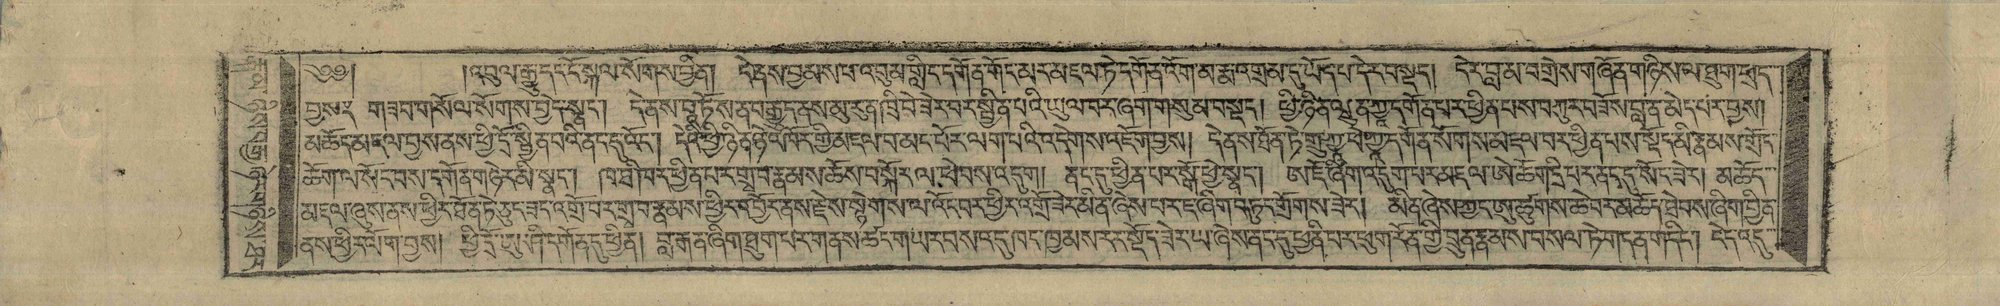༄༅། །འབུལ་རྒྱུ་དང་ངོ་སྐལ་སོགས་བྱིན། དེ་ནས་བྱམས་པ་འབུམ་གླིང་དགོན་གོང་མར་མཇལ་ཏེ་དགོན་འོག་མ་རྨ་འགྲམ་དུ་ཡོད་པ་དེར་བསྡད། དེར་བླ་མ་བགྲེས་གཞོན་གཉིས་ལ་ཐུག་ཕྲད་
བྱས། གཟབ་གསོལ་སོགས་བྱེད་སྣང་། དེ་ནས་པཱ་ཏོ་ས་ན་བརྒྱུད་ནས་མུ་རུན་ཁྲི་པེ་ཟེར་བར་སྦྱིན་པའི་ཡུལ་བར་ཞག་གསུམ་བསྡད། ཕྱི་ཉིན་ལྭུན་?་ཀྱཱ་དགོན་པར་ཕྱིན་པས་བཀུར་བཟོས་བླ་ན་མེད་པར་བྱས།
མཆོད་མཇལ་བྱས་ནས་ཕྱི་དྲོ་སྦྱིན་པའི་ནང་དུ་འོང་། དེའི་ཕྱི་ཉིན་ཉེ་འཁོར་གྱི་མཇལ་བ་མང་པོར་ལག་པའི་འདེགས་འཇོག་བྱས། དེ་ནས་ཐོན་ཏེ་གྲུ་ཀྱཱ་ཕེ་ཀྱཱ་དགོན་སོགས་མཇལ་བར་ཕྱིན་པས་སྡོད་མི་རྣམས་གྲོང་
ཆོག་ལ་སོང་བས་དགོན་གཉེར་མི་སྣང་། ཁ་ཐི་ཁར་ཕྱིན་པར་གྲྭ་བ་རྣམས་ཆོས་བསྐོར་ལ་ཕེབས་འདུག །ནང་དུ་ཕྱིན་པར་སྒོ་ཕྱེ་སྣང་། ཨ་ཇོ་ཞིག་འདུག་པར་མཇལ་ཨེ་ཆོག་དྲི་པར་ནང་དུ་སོང་ཟེར། མཆོད་
མཇལ་ཞུས་ནས་ཕྱིར་ཐོན་ཏེ་ཅུང་ཟད་འགྲོ་བར་གྲྭ་བ་རྣམས་ཕྱིར་འབྱོར་ནས་རྗེས་སྙེགས་ལ་འོང་བར་ཕྱིར་འགྲོ་ཟེར་མིན་ཞེས་པར་ཇ་ཞིག་བཏུང་གྲོགས་ཟེར། མིན་ཞེས་ཀྱང་ཨུ་ཚུགས་ཆེ་བར་མཆོད་ཐེབས་ཞིག་བྱིན་
ནས་ཕྱིར་ལོག་བྱས། ཕྱི་དྲོ་ཨུ་ཤི་དགོན་དུ་ཕྱིན། བླ་རྒན་ཞིག་ཐུག་པར་གནས་ཚང་གཡར་བས་འདུ་ཁང་ཁྱམས་རར་སྡོད་ཟེར་ཡ་ཞེས་ནང་དུ་ཕྱིན་པར་ཕུག་རོན་གྱི་བྲུན་རྣམས་བསལ་ཏེ་གདན་གདིང་། ངེད་འདུ་